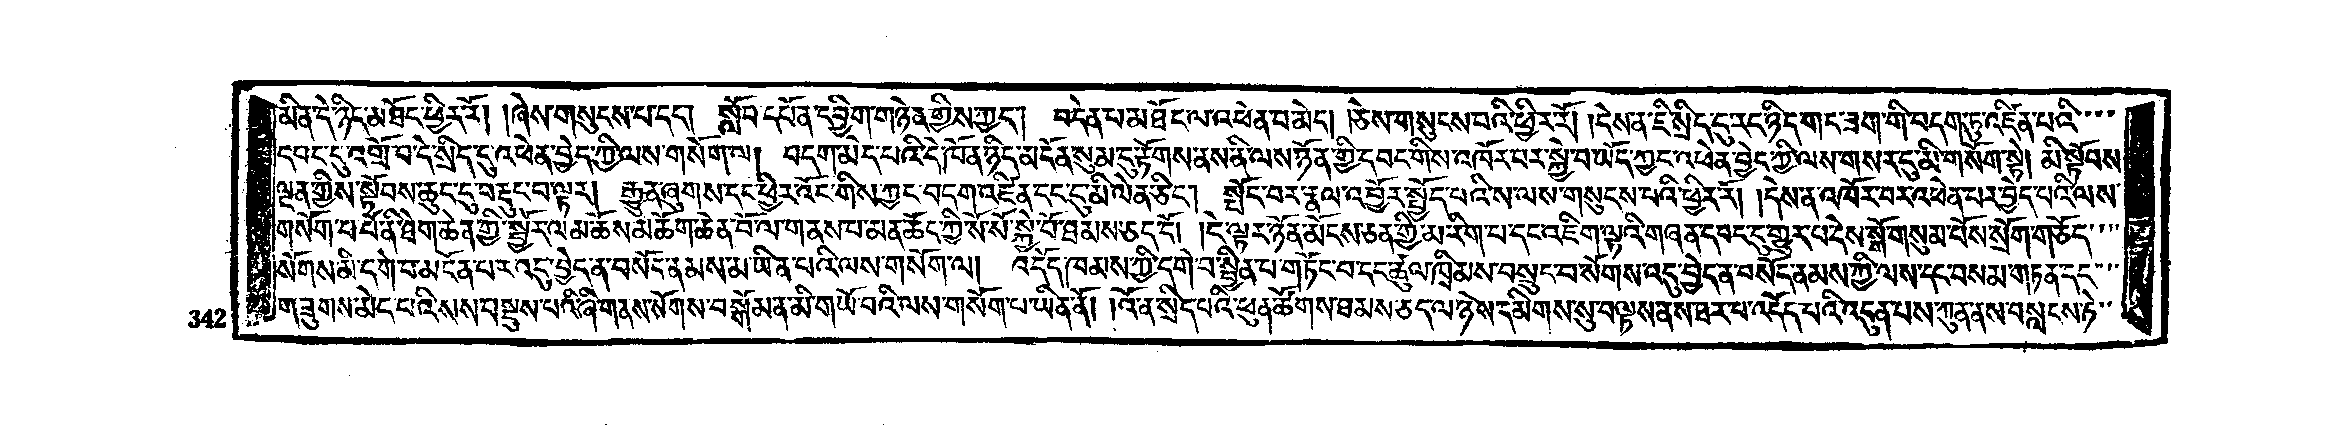མིན་དེ་ཉིད་མཐོང་ཕྱིར་རོ། །ཞེས་གསུངས་པ་དང་། སློབ་དཔོན་དབྱིག་གཉེན་གྱིས་ཀྱང་། བདེན་པ་མཐོང་ལ་འཕེན་པ་མེད། །ཅེས་གསུངས་པའི་ཕྱིར་རོ། །དེས་ན་ཇི་སྲིད་དུ་རང་ཉིད་གང་ཟག་གི་བདག་ཏུ་འཛིན་པའི་
དབང་དུ་འགྲོ་བ་དེ་སྲིད་དུ་འཕེན་བྱེད་ཀྱི་ལས་གསོག་ལ། བདག་མེད་པའི་དེ་ཁོ་ན་ཉིད་མངོན་སུམ་དུ་རྟོགས་ནས་ནི་ལས་ཉོན་གྱི་དབང་གིས་འཁོར་བར་སྐྱེ་བ་ཡོད་ཀྱང་འཕེན་བྱེད་ཀྱི་ལས་གསར་དུ་མི་གསོག་སྟེ། མི་སྟོབས་
ལྡན་གྱིས་སྟོབས་ཆུང་ངུ་བརྡུང་བ་ལྟར། རྒྱུན་ཞུགས་དང་ཕྱིར་འོང་གིས་ཀྱང་བདག་འཛིན་དང་དུ་མི་ལེན་ཅིང་། སྤོང་བར་རྣལ་འབྱོར་སྤྱོད་པའི་ས་ལས་གསུངས་པའི་ཕྱིར་རོ། །དེས་ན་འཁོར་བར་འཕེན་པར་བྱེད་པའི་ལས་
གསོག་པ་པོ་ནི་ཐེག་ཆེན་གྱི་སྦྱོར་ལམ་ཆོས་མཆོག་ཆེན་པོ་ལ་གནས་པ་མན་ཆོད་ཀྱི་སོ་སོ་སྐྱེ་བོ་ཐམས་ཅད་དོ། །དེ་ལྟར་ཉོན་མོངས་ཅན་གྱི་མ་རིག་པ་དང་འཇིག་ལྟའི་གཞན་དབང་དུ་གྱུར་པ་དེས་སྒོ་གསུམ་པོས་སྲོག་གཅོད་
སོགས་མི་དགེ་བ་མངོན་པར་འདུ་བྱེད་ན་བསོད་ནམས་མ་ཡིན་པའི་ལས་གསོག་ལ། འདོད་ཁམས་ཀྱི་དགེ་བ་སྦྱིན་པ་གཏོང་བ་དང་ཚུལ་ཁྲིམས་བསྲུང་བ་སོགས་འདུ་བྱེད་ན་བསོད་ནམས་ཀྱི་ལས་དང་བསམ་གཏན་དང་
གཟུགས་མེད་པའི་སས་བསྡུས་པའི་ཞི་གནས་སོགས་བསྒོམ་ན་མི་གཡོ་བའི་ལས་གསོག་པ་ཡིན་ནོ། །འོ་ན་སྲིད་པའི་ཕུན་ཚོགས་ཐམས་ཅད་ལ་ཉེས་དམིགས་སུ་བལྟས་ནས་ཐར་པ་འདོད་པའི་འདུན་པས་ཀུན་ནས་བསླངས་ཏེ་